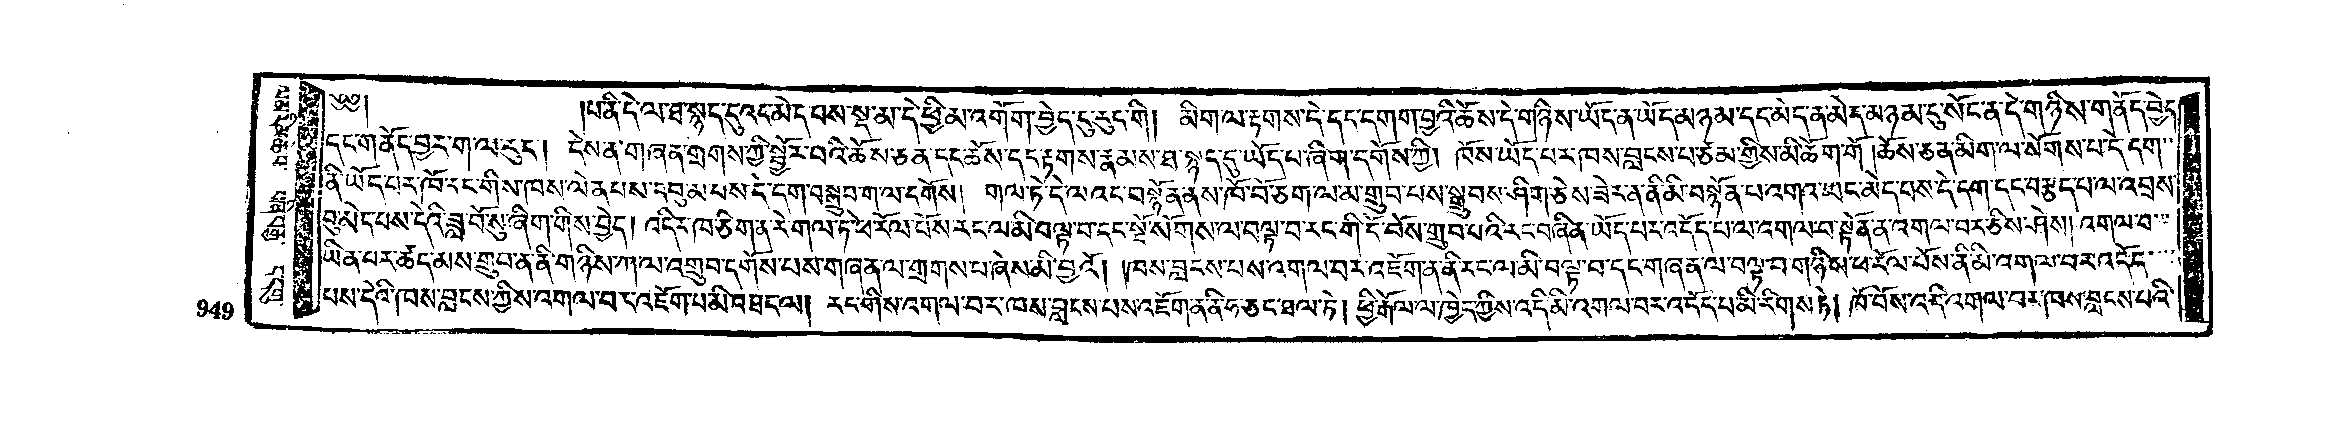༄༅། །པ་ནི་དེ་ལ་ཐ་སྙད་དུའང་མེད་པས་སྔ་མ་དེ་ཕྱི་མ་འགོག་བྱེད་དུ་རུང་གི། མིག་ལ་རྟགས་དེ་དང་དགག་བྱའི་ཆོས་དེ་གཉིས་ཡོད་ན་ཡོད་མཉམ་དང་མེད་ན་མེད་མཉམ་དུ་སོང་ན་དེ་གཉིས་གནོད་བྱེད་
དང་གནོད་བྱར་ག་ལ་རུང་། དེས་ན་གཞན་གྲགས་ཀྱི་སྦྱོར་བའི་ཆོས་ཅན་དང་ཆོས་དང་རྟགས་རྣམས་ཐ་སྙད་དུ་ཡོད་པ་ཞིག་དགོས་ཀྱི། ཁོས་ཡོད་པར་ཁས་བླངས་པ་ཙམ་གྱིས་མི་ཆོག་གོ། ཆོས་ཅན་མིག་ལ་སོགས་པ་དེ་དག་
ནི་ཡོད་པར་ཁོ་རང་གིས་ཁས་ལེན་པས་དབུ་མ་པས་དེ་དག་བསྒྲུབ་ག་ལ་དགོས། གལ་ཏེ་དེ་ལའང་བསྙོན་ནས་ཁོ་བོ་ཅག་ལ་མ་གྲུབ་པས་སྒྲུབས་ཤིག་ཅེས་ཟེར་ན་ནི་མི་བསྙོན་པ་འགའ་ཡང་མེད་པས་དེ་དག་དང་བརྩད་པ་ལ་འབྲས་
བུ་མེད་པས་དེའི་ཟླ་བོ་སུ་ཞིག་གིས་བྱེད། འདིར་ཁ་ཅིག་ན་རེ་གལ་ཏེ་ཕ་རོལ་པོས་རང་ལ་མི་བལྟ་བ་དང་སྔོ་སོགས་ལ་བལྟ་བ་རང་གི་ངོ་བོས་གྲུབ་པའི་རང་བཞིན་ཡོད་པར་འདོད་པ་ལ་འགལ་བ་སྟོན་ན་འགལ་བར་ཅིས་ཤེས། འགལ་བ་
ཡིན་པར་ཚད་མས་གྲུབ་ན་ནི་གཉིས་ཀ་ལ་འགྲུབ་དགོས་པས་གཞན་ལ་གྲགས་པ་ཞེས་མི་བྱའོ། །ཁས་བླངས་པས་འགལ་བར་འཇོག་ན་ནི་རང་ལ་མི་བལྟ་བ་དང་གཞན་ལ་བལྟ་བ་གཉིས་ཕ་རོལ་པོས་ནི་མི་འགལ་བར་འདོད་
བས་དེའི་ཁས་བླངས་ཀྱིས་འགལ་བར་འཇོག་པ་མི་འཐད་ལ། རང་གིས་འགལ་བར་ཁས་བླངས་པས་འཇོག་ན་ནི་ཧ་ཅང་ཐལ་ཏེ། ཕྱི་རྒོལ་ལ་ཁྱེད་ཀྱིས་འདི་མི་འགལ་བར་འདོད་པ་མི་རིགས་ཏེ། ཁོ་བོས་འདི་འགལ་བར་ཁས་བླངས་པའི་